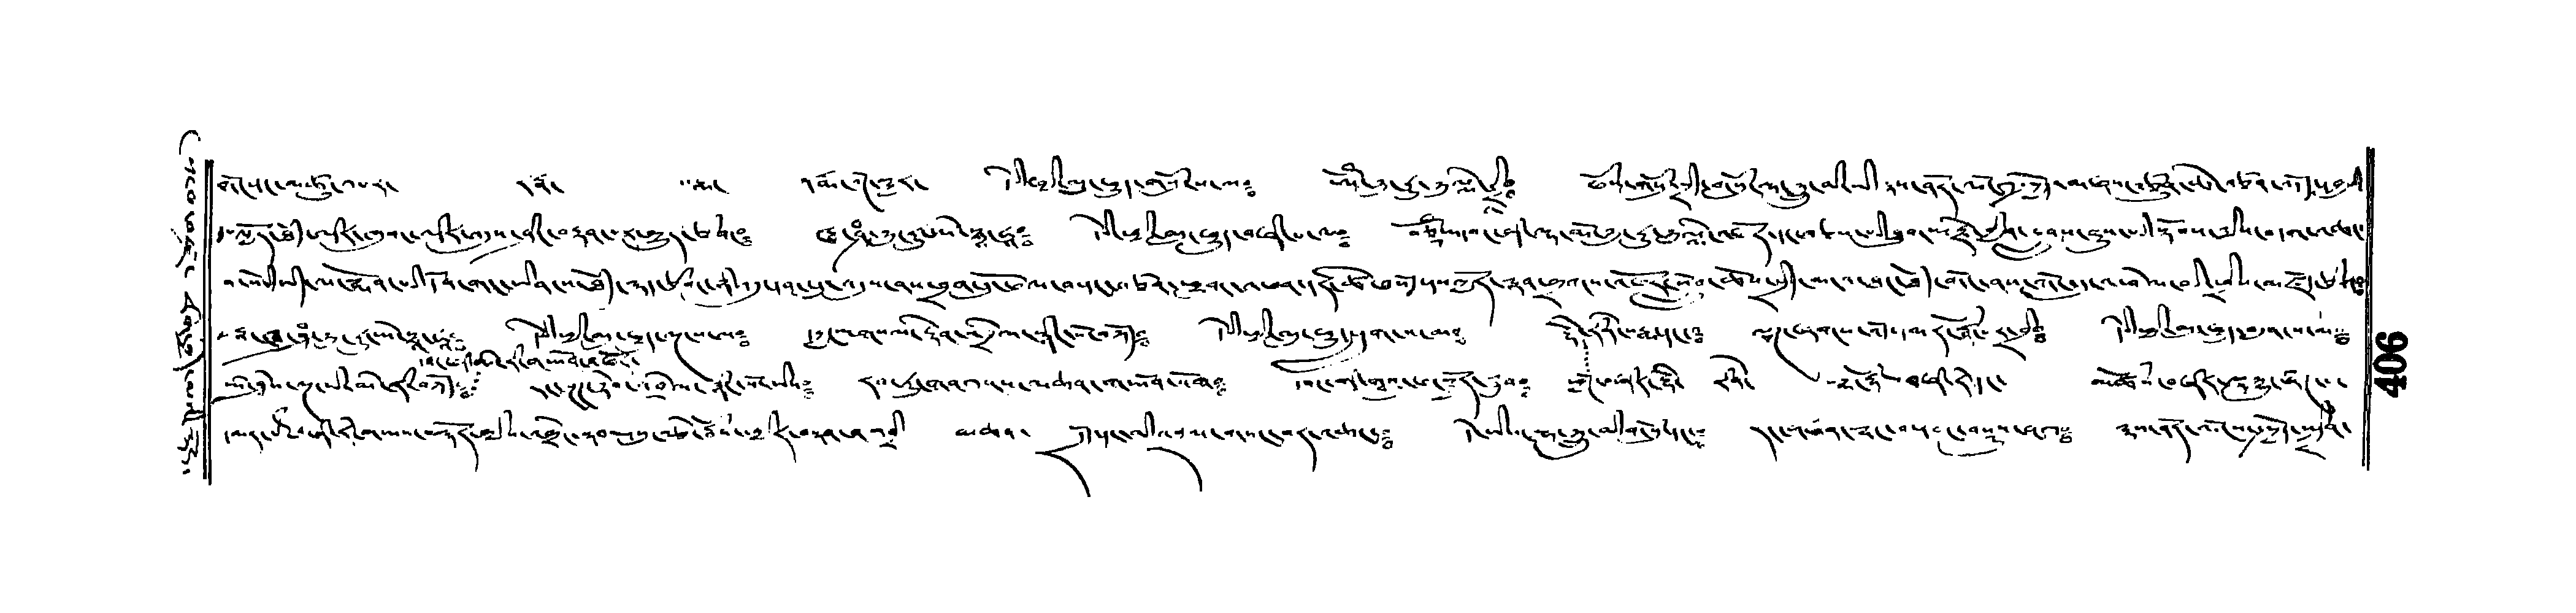དེའི་ཁྱི་མུ་ཁྱུད་གསུམ་པ་ལ༔ ཨོཾ་ཀུ་རུ་ཀུལླེ་ཧྲཱིཿ ཁམས་གསུམ་སྲིད་གསུམ་ལྷ་ཀླུ་མི་ཡི་ཟས་ནོར་ལོངས་སྤྱོད་མཁས་བཙུན་ཆེ་བཙན་འདོད་དགུའི་
དཔལ་འབྱོར་ཐམས་ཅད་འདིར་ཁུག་འདིར་འདུས་ཤིང་བརྟན་པར་གྱུར་ཅིག༔ ཝ་ཤཾ་ཀུ་རུ་ཡེ་སྭཱ་ཧཱཿ དེའི་ཕྱི་མུ་ཁྱུད་བཞི་པ་ལ༔ བཅོམ་ལྡན་དབང་གི་ལྷ་མོ་ཀུ་རུ་ཀུལླེ་འཁོར་དང་བཅས་པའི་ཐུགས་རྗེ་བྱིན་རླབས་ནུས་པའི་སྟོབས་ཀྱིས་བདག་འཆང་
བ་པོའི་ཡིད་ལ་སྨོན་པའི་དོན་གང་ཡིན་པ་ཐམས་ཅད་སྐད་ཅིག་ཉིད་དུ་དབང་དུ་འདུས་ནས་བྲན་དུ་ཁོལ་བ་དང་བཙན་ཕྱུག་འཕན་དར་ཚེ་བསོད་དཔལ་འབྱོར་སྙན་གྲགས་འཁོར་སློབ་ཆོས་སྲིད་མངའ་ཐང་ཐམས་ཅད་གོང་ནས་གོང་དུ་འཕེལ་བའི་ཕྲིན་ལས་མཛོད་ཅིག༔
སརྦ་ཝ་ཤཾ་ཀུ་རུ་ཡེ་སྭཱ་ཧཱཿ དེའི་ཕྱི་མུ་ཁྱུད་ལྔ་པ་ལ༔ དབྱངས་གསལ་རྟེན་འབྲེལ་སྙིང་པོ་བཀོད༔ དེའི་ཕྱི་མུ་ཁྱུད་དྲུག་པ་ལ༔ རྡོ་རྗེ་རིན་ཆེན་པདྨ་དང༔ ལྕགས་ཞགས་འོད་དམར་རྣམ་པར་བྲི༔ དེའི་ཕྱི་མུ་ཁྱུད་བདུན་པ་ལ༔ 
ཡེ་ཤེས་ལྔ་ཡི་མེ་རི་བཀོད༔ རང་སྔགས་རྟེན་འབྲེལ་སྙིང་པོ་ཡིས༔ རབ་ཏུ་གནས་ནས་མཆན་གཡོན་འོག༔ དབང་གི་གྭའུ་ཁ་སྦྱོར་སྦུབ༔ 
དམར་པོའི་ནི་རིག་བསྟོད་གྱིས་འགྲོ་སྟབས་སུ་བརྩེ་ཕྱིར་ན་འབྲི་ མཆན དྲོད་དང་མི་འབྲལ་གསང་བར་འཆང༔ དེ་ཡིས་ལྷ་ཀླུ་མི་གསུམ་དང༔ རང་གཞན་སྣང་བ་དབང་བསྡུས་ནས༔ ཟས་ནོར་ལོངས་སྤྱོད་སྤྲིན་